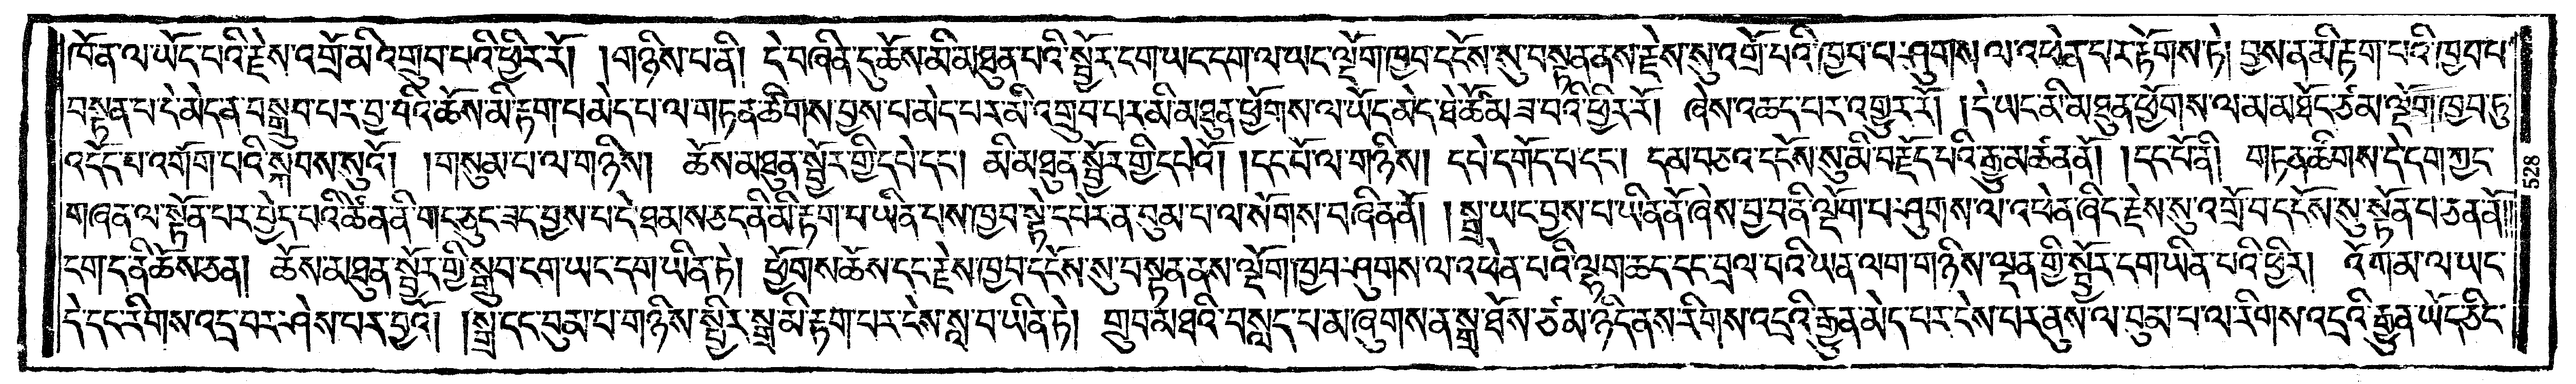ཁོ་ན་ལ་ཡོད་པའི་རྗེས་འགྲོ་མི་འགྲུབ་པའི་ཕྱིར་རོ། །གཉིས་པ་ནི། དེ་བཞིན་དུ་ཆོས་མི་མཐུན་པའི་སྦྱོར་ངག་ཡང་དག་ལ་ཡང་ལྡོག་ཁྱབ་དངོས་སུ་བསྟན་ནས་རྗེས་སུ་འགྲོ་བའི་ཁྱབ་པ་ཤུགས་ལ་འཕེན་པར་རྟོགས་ཏེ། བྱས་ན་མི་རྟག་པའི་ཁྱབ་པ་
བསྟན་པ་དེ་མེད་ན་བསྒྲུབ་པར་བྱ་བའི་ཆོས་མི་རྟག་པ་མེད་པ་ལ་གཏན་ཚིགས་བྱས་པ་མེད་པར་མི་འགྲུབ་པར་མི་མཐུན་ཕྱོགས་ལ་ཡོད་མེད་ཐེ་ཚོམ་ཟ་བའི་ཕྱིར་རོ། ཞེས་འཆད་པར་འགྱུར་རོ། །དེ་ཡང་མི་མཐུན་ཕྱོགས་ལ་མ་མཐོང་ཙམ་ལྡོག་ཁྱབ་ཏུ་
འདོད་པ་འགོག་པའི་སྐབས་སུའོ། །གསུམ་པ་ལ་གཉིས། ཆོས་མཐུན་སྦྱོར་གྱི་དཔེ་དང་། མི་མཐུན་སྦྱོར་གྱི་དཔེའོ། །དང་པོ་ལ་གཉིས། དཔེ་དགོད་པ་དང་། དམ་བཅའ་དངོས་སུ་མི་བརྗོད་པའི་རྒྱུ་མཚན་ནོ། །དང་པོ་ནི། གཏན་ཚིགས་དེ་དག་ཀྱང་
གཞན་ལ་སྟོན་པར་བྱེད་པའི་ཚེ་ན་ནི་གང་ཅུང་ཟད་བྱས་པ་དེ་ཐམས་ཅད་ནི་མི་རྟག་པ་ཡིན་པས་ཁྱབ་སྟེ་དཔེར་ན་བུམ་པ་ལ་སོགས་བཞིན་ནོ། །སྒྲ་ཡང་བྱས་པ་ཡིན་ནོ་ཞེས་བྱ་བ་ནི་ལྡོག་པ་ཤུགས་ལ་འཕེན་ཞིང་རྗེས་སུ་འགྲོ་བ་དངོས་སུ་སྟོན་པ་ཅན་ནོ།།
ངག་ད་ནི་ཆོས་ཅན། ཆོས་མཐུན་སྦྱོར་གྱི་སྒྲུབ་ངག་ཡང་དག་ཡིན་ཏེ། ཕྱོགས་ཆོས་དང་རྗེས་ཁྱབ་དངོས་སུ་བསྟན་ནས་ལྡོག་ཁྱབ་ཤུགས་ལ་འཕེན་པའི་ལྷག་ཆད་དང་བྲལ་བའི་ཡན་ལག་གཉིས་ལྡན་གྱི་སྦྱོར་དག་ཡིན་པའི་ཕྱིར། འོག་མ་ལ་ཡང་
དེ་དང་རིགས་འདྲ་བར་ཤེས་པར་བྱའོ། །སྒྲ་དང་བུམ་པ་གཉིས་སྤྱིར་སྒྲ་མི་རྟག་པར་ངེས་སླ་བ་ཡིན་ཏེ། གྲུབ་མཐའི་བསླད་པ་མ་ཞུགས་ན་སྒྲ་ཐོས་ཙམ་ཉིད་ནས་རིགས་འདྲའི་རྒྱུན་མེད་པར་ངེས་པར་ནུས་ལ་བུམ་པ་ལ་རིགས་འདྲའི་རྒྱུན་ཡོད་ཅིང་